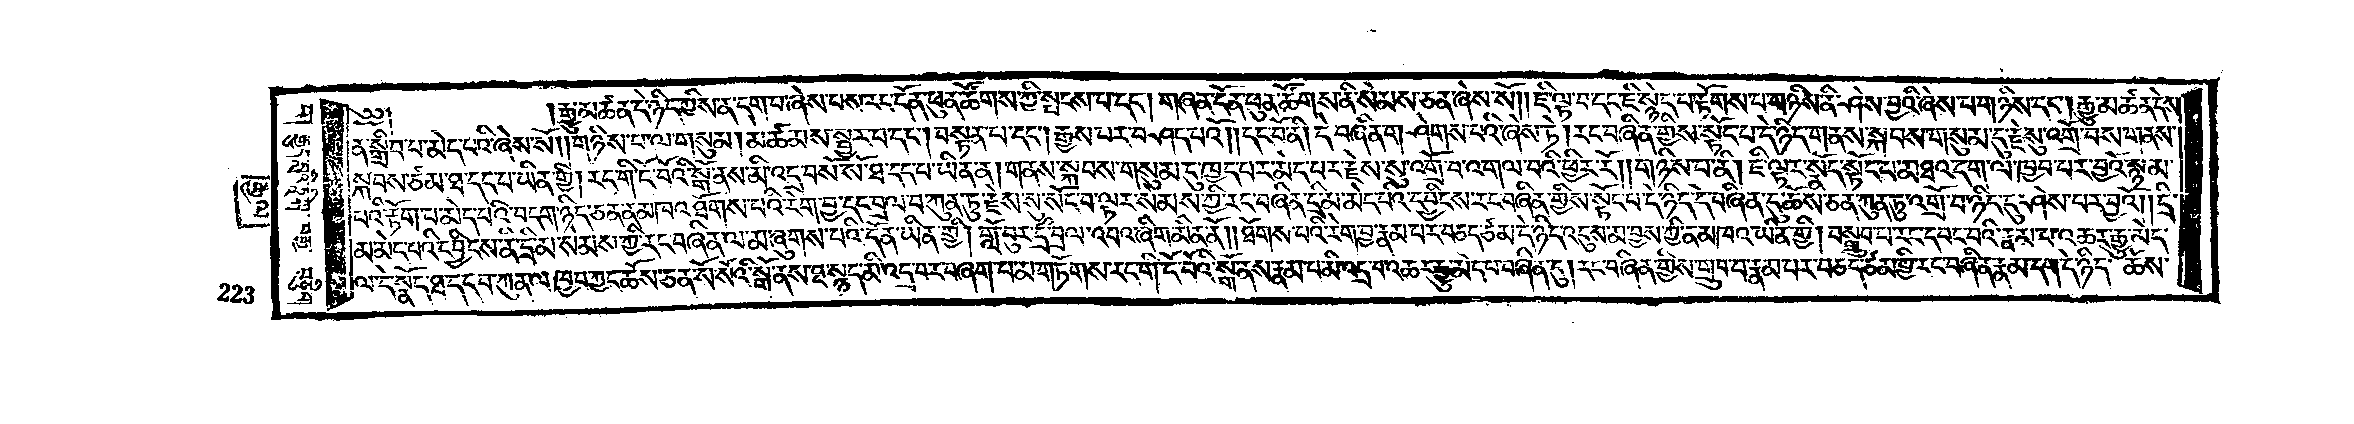༄༅། །རྒྱུ་མཚན་དེ་ཉིད་ཀྱིས་ན་དག་པ་ཞེས་པས་རང་དོན་ཕུན་ཚོགས་ཀྱི་སྤངས་པ་དང་། གཞན་དོན་ཕུན་ཚོགས་ནི་སེམས་ཅན་ཞེས་སོ། །ཇི་ལྟ་བ་དང་ཇི་སྙེད་པ་རྟོགས་པ་གཉིས་ནི་ཤེས་བྱའི་ཞེས་པ་གཉིས་དང་། རྒྱུ་མཚན་དེས་
ན་སྒྲིབ་པ་མེད་པའི་ཞེས་སོ། །གཉིས་པ་ལ་གསུམ། མཚམས་སྦྱར་བ་དང་། བསྟན་པ་དང་། རྒྱས་པར་བཤད་པའོ། །དང་པོ་ནི། དེ་བཞིན་གཤེགས་པའི་ཞེས་ཏེ། རང་བཞིན་གྱིས་སྟོང་པ་དེ་ཉིད་གནས་སྐབས་གསུམ་དུ་རྗེ་སུ་འགྲོ་བས་གནས་
སྐབས་ཙམ་ཐ་དད་པ་ཡིན་གྱི་།རང་གི་ངོ་བོའི་སྒོ་ནས་མི་འདྲ་བ་སོ་སོ་ཐ་དད་པ་ཡིན་ན། གནས་སྐབས་གསུམ་དུ་ཁྱད་པར་མེད་པར་རྗེས་སུ་འགྲོ་བ་འགལ་བའི་ཕྱིར་རོ། །གཉིས་པ་ནི། ཇི་ལྟར་སྣོད་སྟོང་པ་མཐའ་དག་ལ་ཁྱབ་པར་བྱའོ་སྙམ་
པའི་རྟོག་པ་མེད་པའི་བདག་ཉིད་ཅན་ནམ་མཁའ་ཐོགས་པའི་རེག་བྱ་དང་བྲལ་བ་ཀུན་ཏུ་རྗེས་སུ་སོང་བ་ལྟར་སེམས་ཀྱི་རང་བཞིན་དྲི་མ་མེད་པའི་དབྱིངས་རང་བཞིན་གྱིས་སྟོང་པ་དེ་ཉིད་དེ་བཞིན་དུ་ཆོས་ཅན་ཀུན་ཏུ་འགྲོ་བ་ཉིད་དུ་ཤེས་པར་བྱའོ། །དྲི་
མ་མེད་པའི་དབྱིངས་ནི་དྲི་མ་སེམས་ཀྱི་རང་བཞིན་ལ་མ་ཞུགས་པའི་དོན་ཡིན་གྱི་།གློ་བུར་དྲི་བྲལ་འབའ་ཞིག་མིན་ནོ། །ཐོགས་པའི་རེག་བྱ་རྣམ་པར་བཅད་ཙམ་དེ་ཉིད་འདུས་མ་བྱས་ཀྱི་ནམ་མཁའ་ཡིན་གྱི་།བསྒྲུབ་པ་རང་དབང་བའི་རྣམ་པ་འཆར་རྒྱུ་མེད་
ལ་དེ་སྣོད་ཐ་དད་པ་ཀུན་ལ་ཁྱབ་ཀྱང་ཆོས་ཅན་སོ་སོའི་སྒོ་ནས་ཐ་སྙད་མི་འདྲ་བར་བཞག་པ་མ་གཏོགས་རང་གི་ངོ་བོའི་སྒོ་ནས་རྣམ་པ་མི་འདྲ་བ་འཆར་རྒྱུ་མེད་པ་བཞིན་དུ། རང་བཞིན་གྱིས་གྲུབ་པ་རྣམ་པར་བཅད་ཙམ་གྱི་རང་བཞིན་རྣམ་དག་དེ་ཉིད་ཆོས་